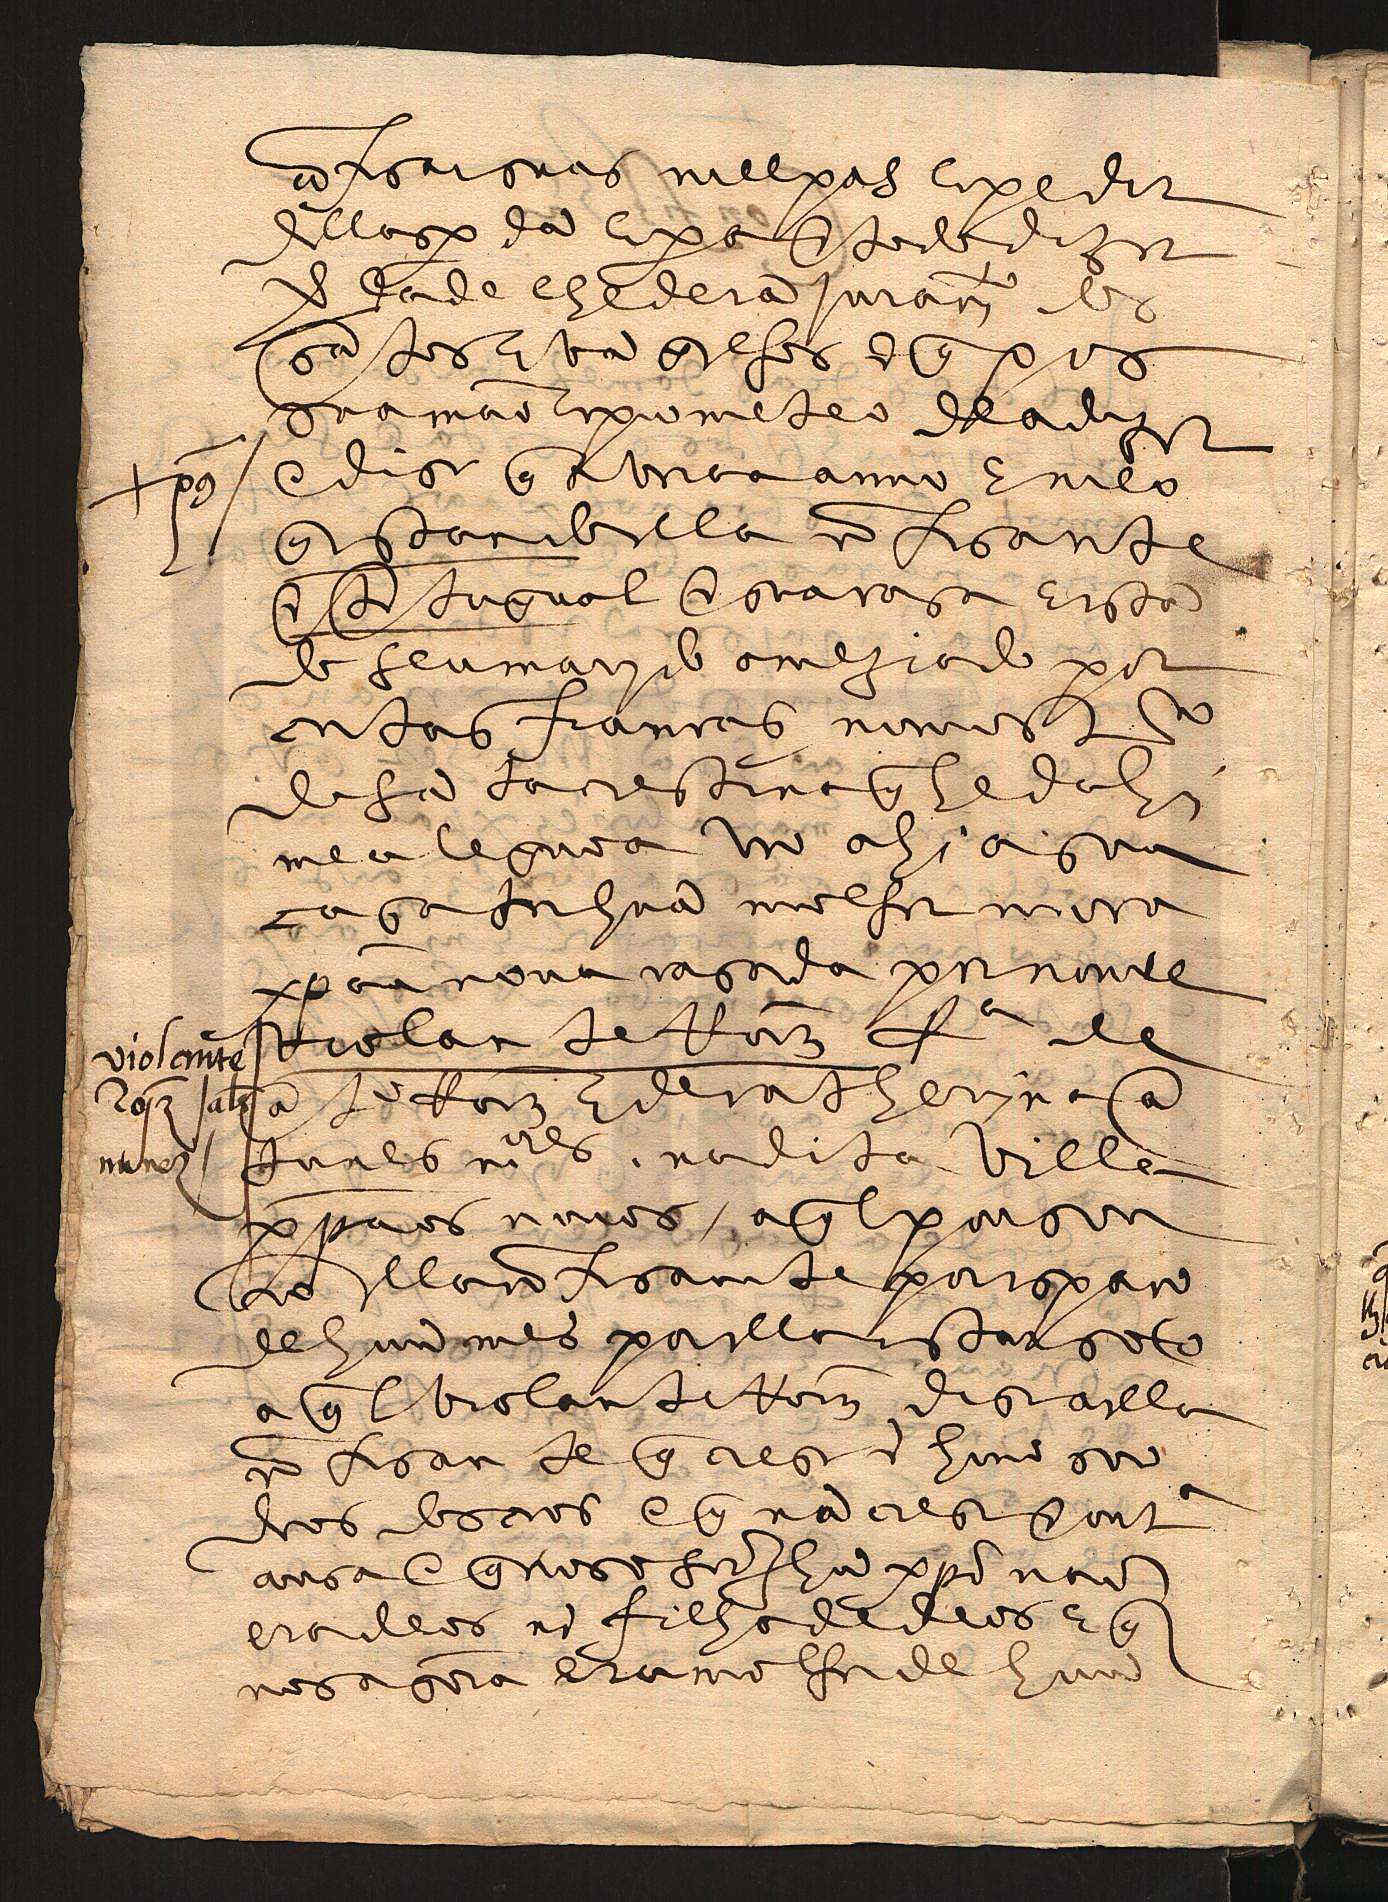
co̅fesar suas cullpas e pedir
dellas ꝑ da̅ E ꝑa e̅ todo dizer
ꝟdade lhe dera̅ juramto dos
sa̅tos Eva̅gelhos e̅ q̅ pos
sua mão e prometeo de a dizer
e dise q̅ averaa anno E meo
q̅ estando ella co̅fesante
e̅ te̅tuguaL e̅ sua casa E esta̅
do seu marjdo omeziado por
certas fianças no mostro
de sa̅ta crestina q̅ he dahj
mea leguoa veo ahi a sua
casa ter hu̅a molher mora
xpa̅a noua casada por nome
violante Ro̅iz fa de
a̅to Ro̅iz E de catherjna a̅
tunes mores. na dita villa
xpãos nouos / a q̅l pousou
co̅ ella co̅fesamte por espaço
de hu̅n mes por ella estar soo
a q̅l violante Ro̅iz dise a ella
co̅fesante q̅ crese e̅ huu̅ soo
deos dos ceos e q̅ na̅ crese e̅ outa
cousa e q̅ noso sor Jhu̅ xpo̅ naō
era deos ne̅ filho de deos E q̅
nosa s̅ora era molher de huu̅
